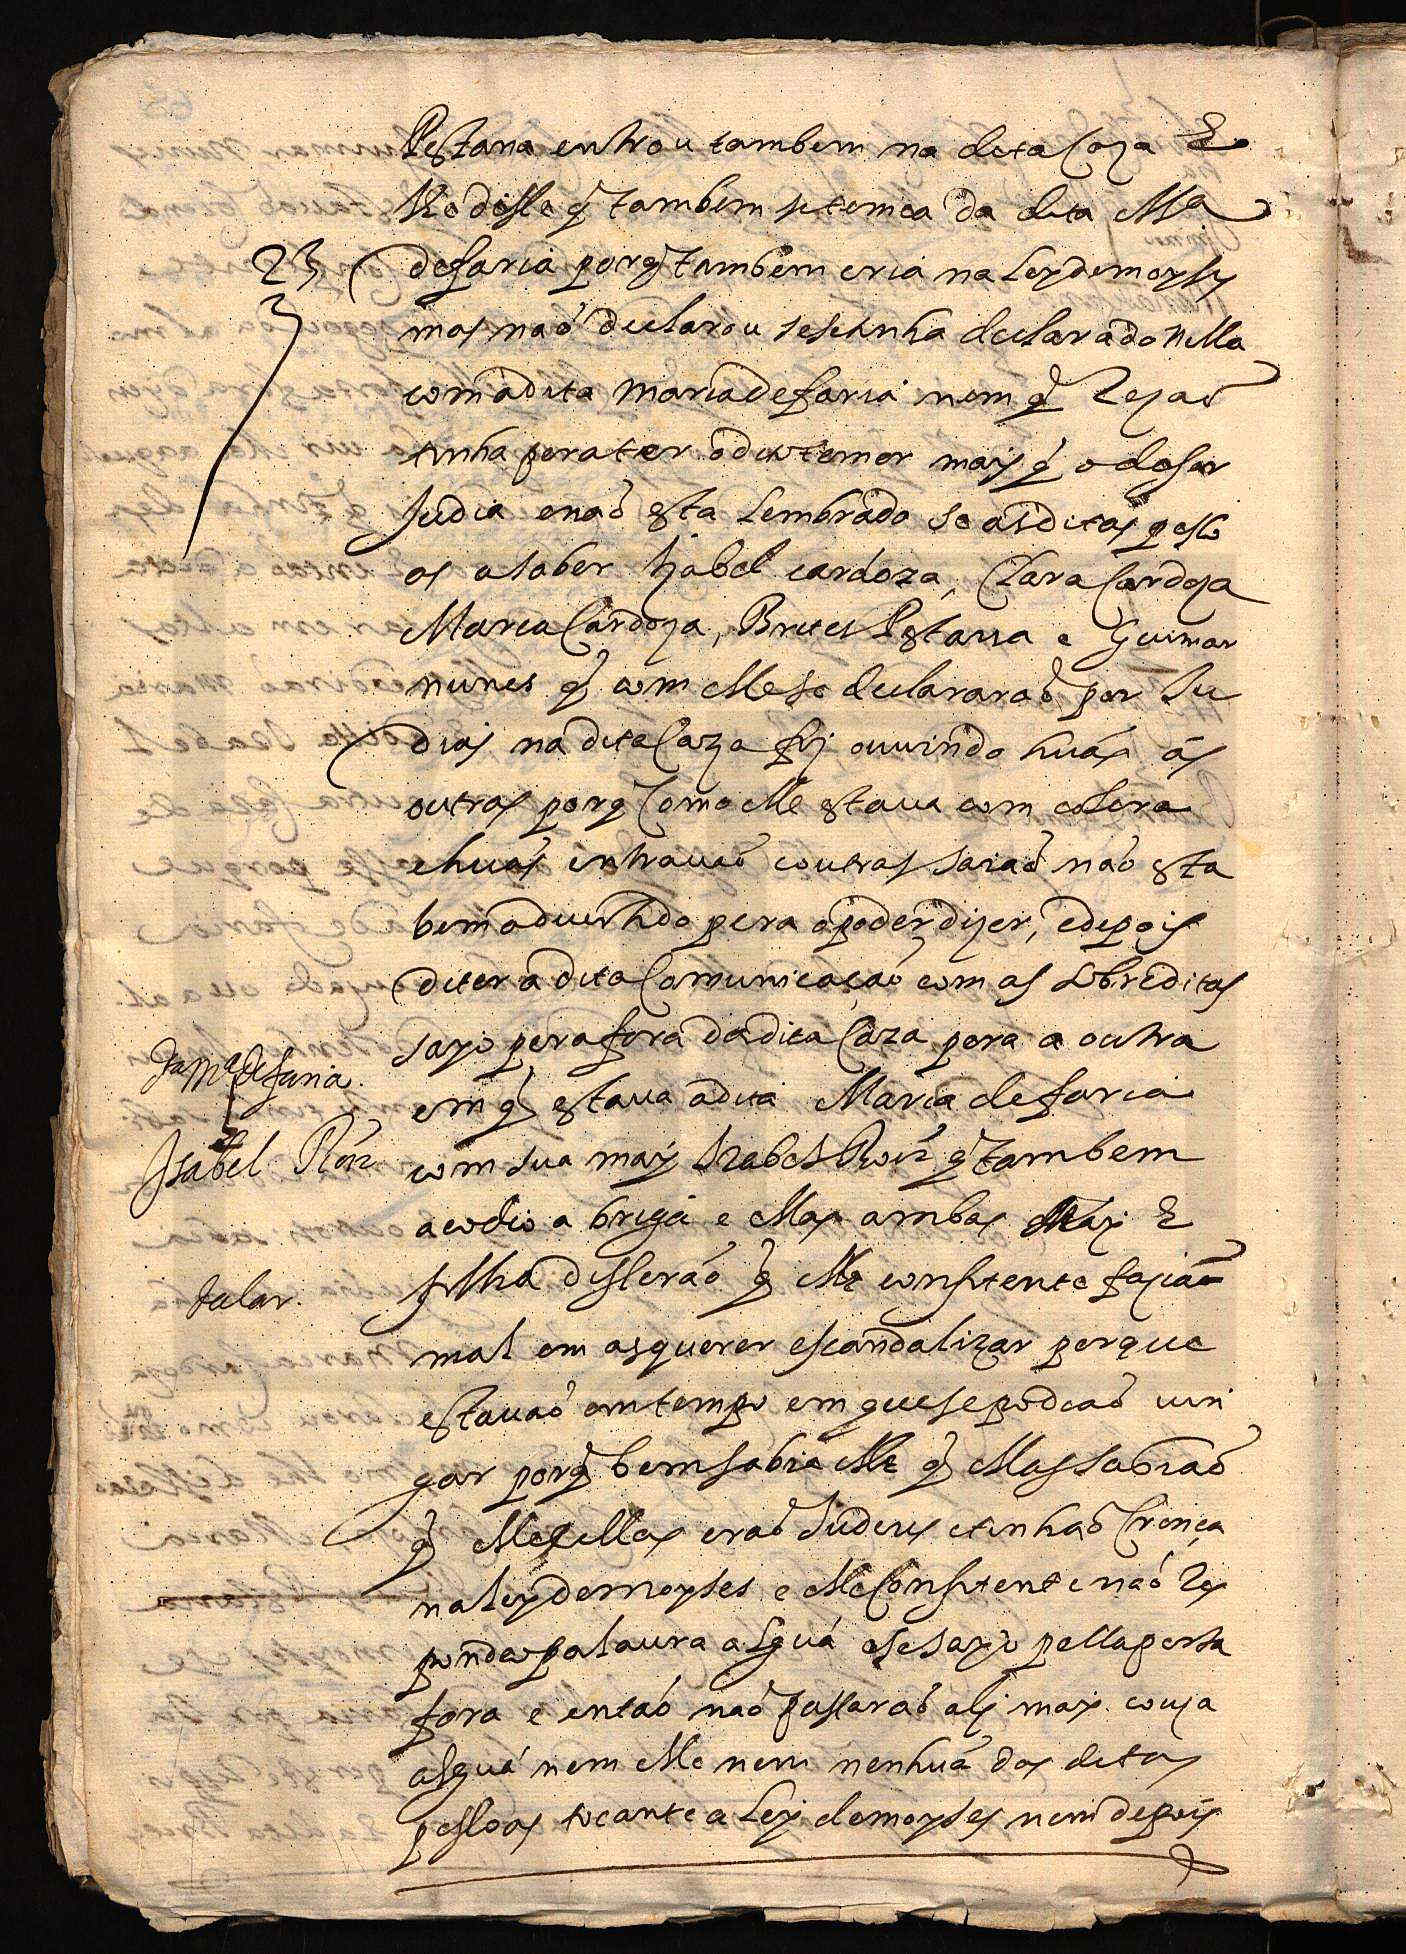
Pestana entrou tambem na dita Caza E
lhe disse q̄ tambem se temia da dita Ma.
de faria porq̄ tambem cria na Ley de moyses
mas naõ declarou se se tinha declarado nella
com a dita maria de faria nem q̄ Rezaõ
tinha para ter o dito temor mais q̄ o de ser
Judia e naõ esta Lembrado se as ditas pesso
as a saber Izabel cardoza, Clara Cardoza
Maria Cardoza, Brites Pestana e Guimar
nunes q̄ com elle se declararaõ por Iu
dias na dita Caza foj ouuindo huas̄ ás
outras porq̄ Como elle estaua com colera
e huas̄ entrauaõ e outras saiaõ naõ esta
bem aduertido pera o poder dizer, e depois
de ter a dita Comunicaçaõ com as sobreditas
sayo pera fora da dita Caza pera a outra
em q̄ estaua a dita Maria de faria
com sua may Izabel Roiz̄ q̄ tambem
acodio a briga e ellas ambas May E
filha disseraõ q̄ elle confitente faziaõ
mal em as querer escandalizar porque
estauaõ em tempo em que se podiaõ uin
gar porq̄ bem sabia ele q̄ ellas sabiaõ
q̄ elle e ellas eraõ Iudeus e tinhaõ Crença
na ley de moyses e elle Confitente naõ Res
pondeo palaura alguā e se sayo pella porta
fora e entaõ naõ passaraõ alj mais couza
alguā nem elle nem nenhuā das ditas
pessoas tocante a Ley de moyses nem depois
